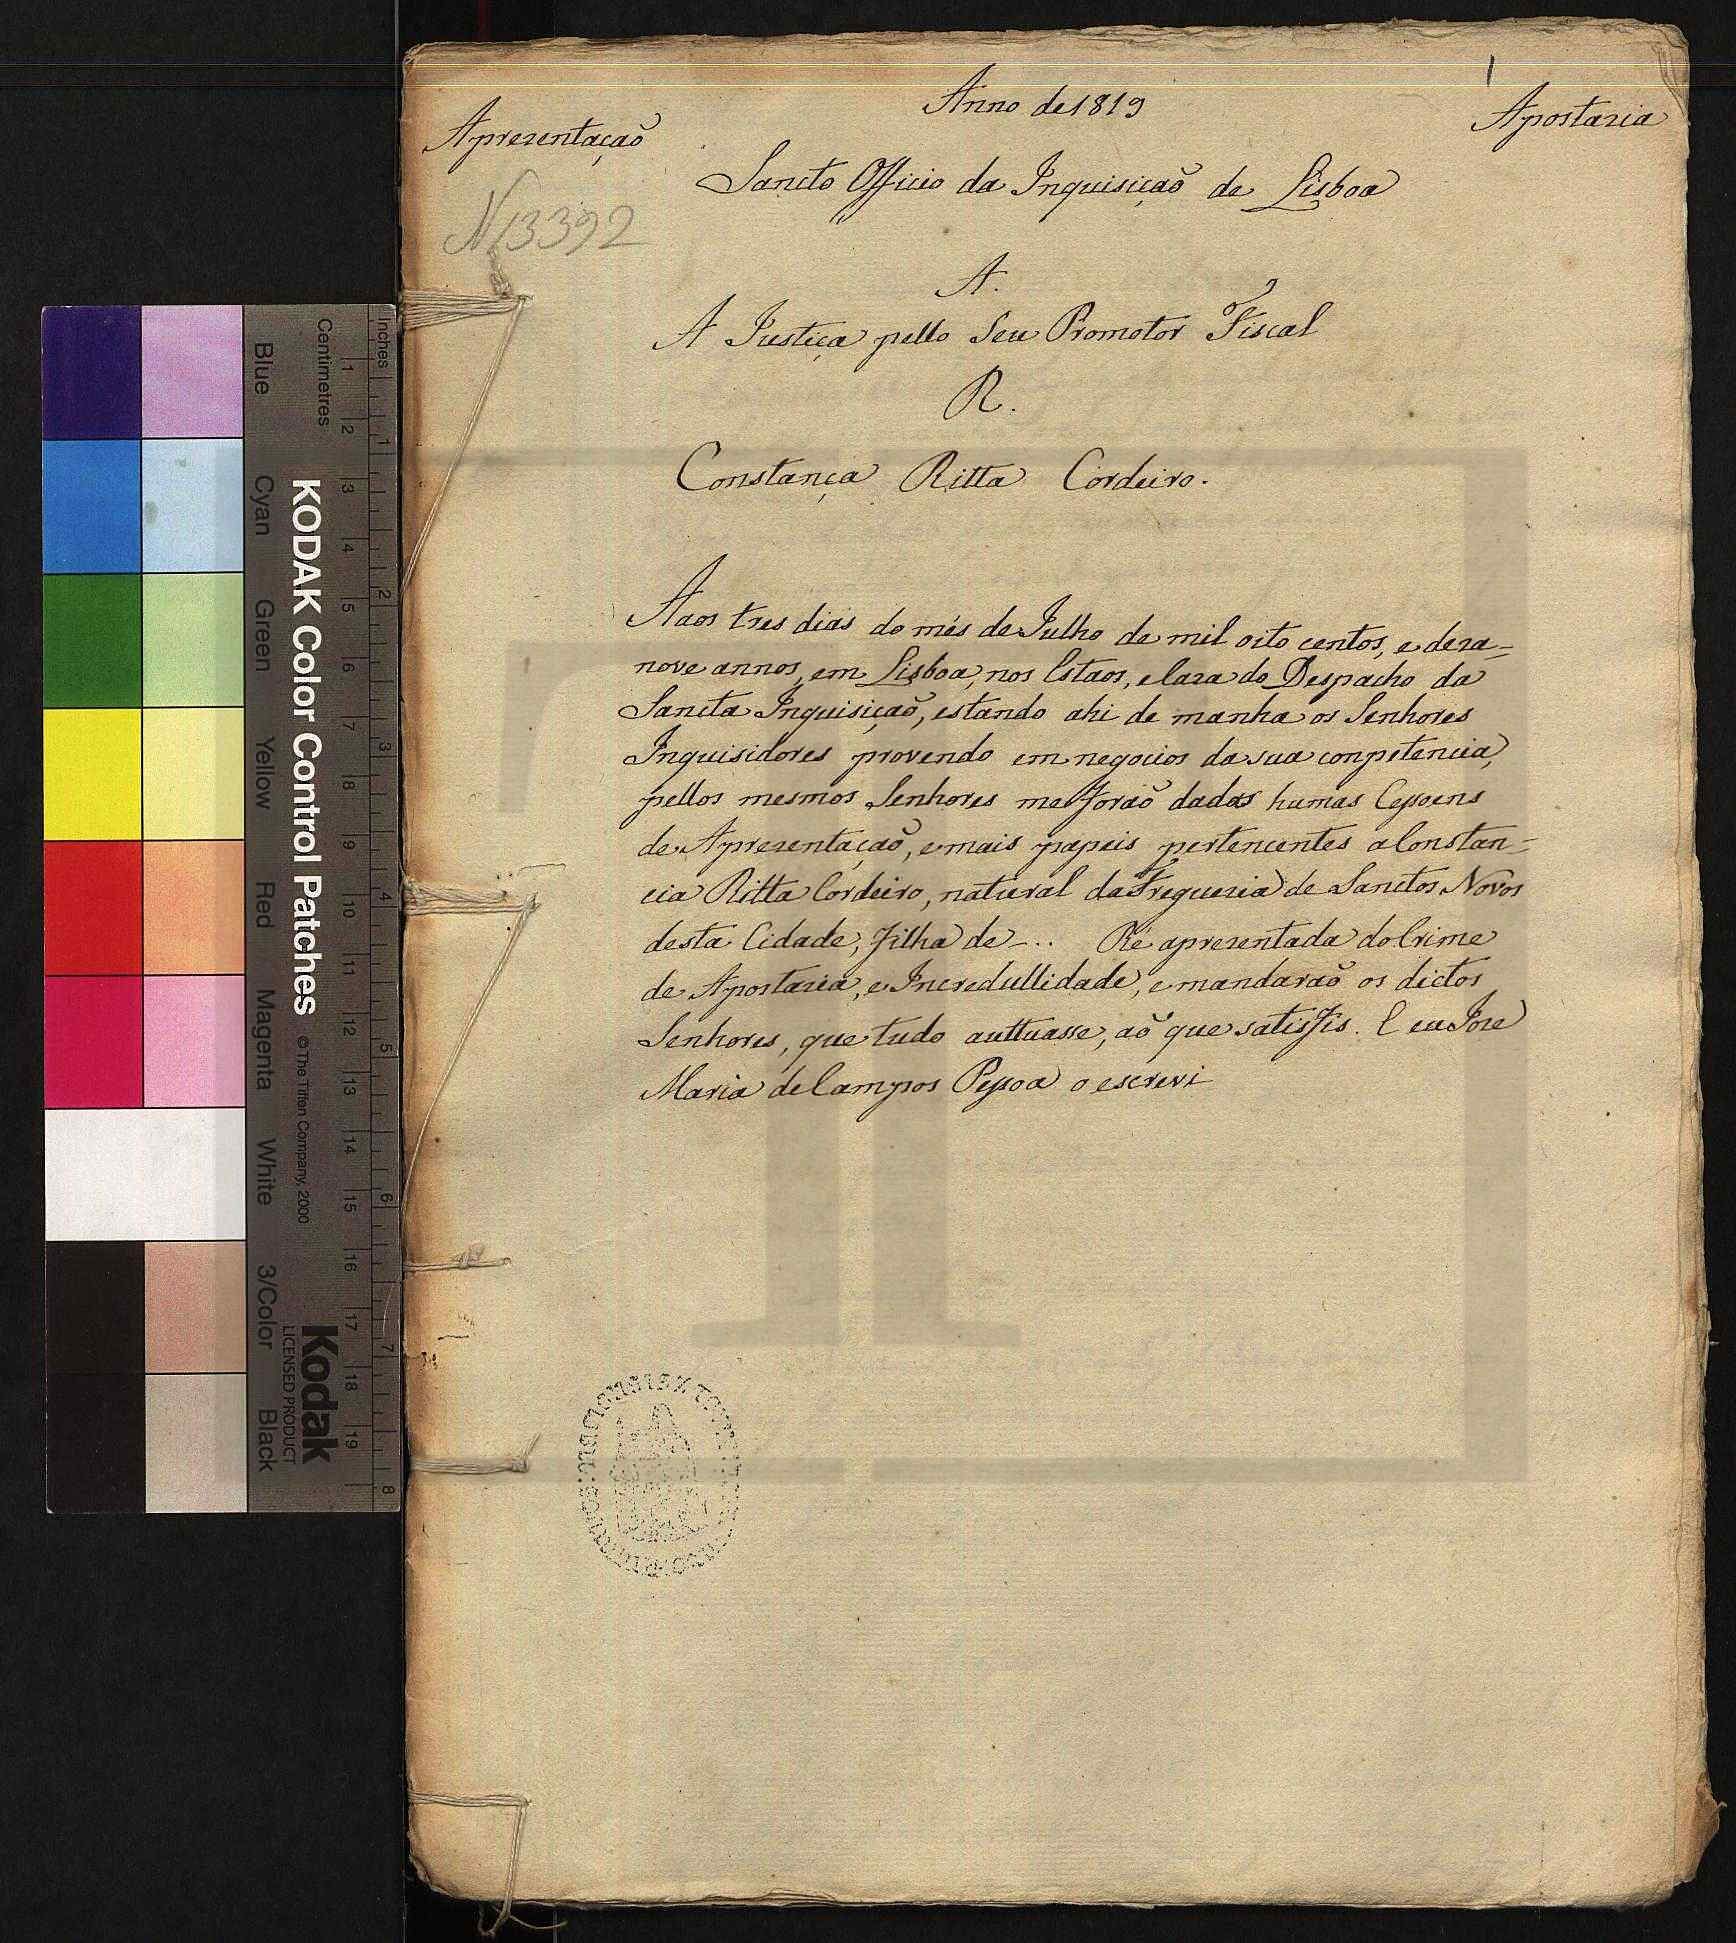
Anno de 1819
Aprezentaçaõ
Sancto Officio da Inquisiçaõ de Lisboa
N 13392
A.
A Iustiça pello seu Promotor Fiscal
R.
Constança Ritta Cordeiro.
Aaos tres dias do més de Iulho de mil oitocentos, e deza
nove annos, em Lisboa, nos Estaos, e Caza do Despacho da
Sancta Inquisiçaõ, estando ahi de manha os Senhores
Inquisidores provendo em negocios da sua competencia,
pellos mesmos Senhores me foraõ dados humas Cessoens
de Aprezentaçaõ, e mais papeis pertencentes a Constan
cia Ritta Cordeiro, natural da Freguezia de Sanctos Novos
desta Cidade, filha de Ré aprezentada do Crime
de Apostazia, e Incredullidade, e mandaraõ os dictos
Senhores, que tudo auttuasse, aõ que satisfis. E eu Ioze
Maria de Campos Pessoa o escrevi
Apostazia
